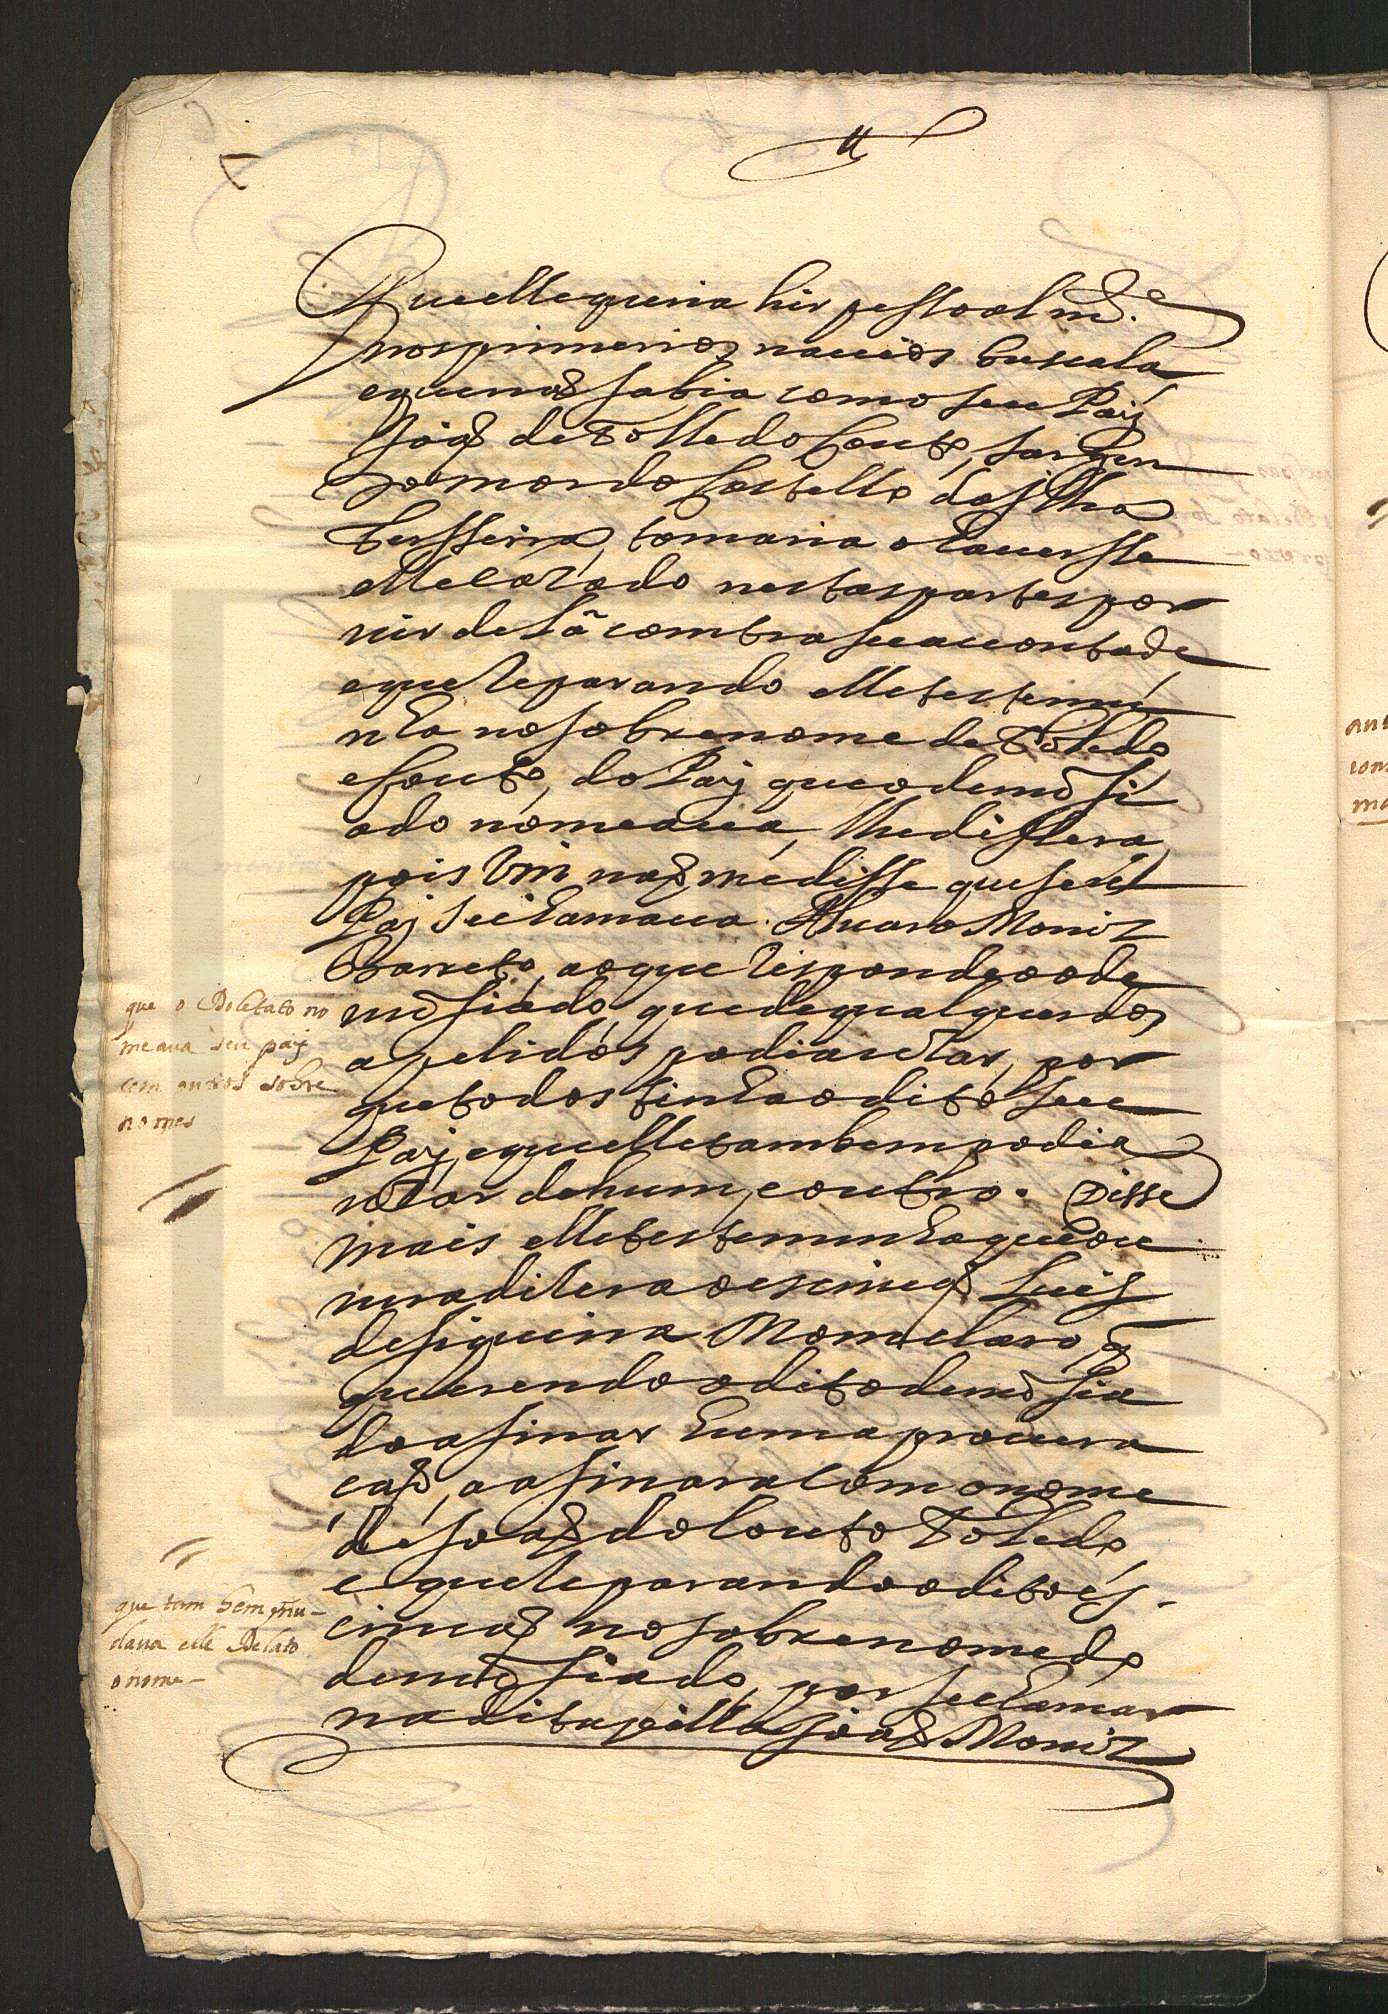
Que elle queria hir pessoalm.te
nos primeiros nauios buscala
e que naõ sabia como seu Pay
Joaõ de Tolledo Couto, sargen
to mor do Castello da Jlha
Tersseira, tomaria o hauersse
elle cazado nestas partes por
uir de lâ comtra sua uontade
e que Reparando elle testemu
nha no sobrenome de Toledo
e Couto, do Pay que o denūsi
ado nomeaua lhe dissera
pois Vm naõ me disse que seu
Pay se chamaua Aluaro Moniz
Barreto, ao que Respondeo o de
que o Deletato no
meaua seu pay
com outros sobre
nomes
nūsiado, que de qualquer dos
apelidos podia uzar, por
que todos tinha o dito seu
Pay, e que elle tambem podia
uzar de hum, e outro. Disse
mais elle testemunha que ou
uira dizera o escriuaõ Luis
de Siqueira Momclaro, q̄
querendo o dito denūssia
do asinar huma procura
çaõ, a asinara com o nome
de Joaõ do Couto Toledo,
e que reparando o dito es
que tambem mu
daua elle Delato
o nome
criuaõ no sobrenome do
denūsiado, por se chamar
na dita villa Joaõ Moniz
